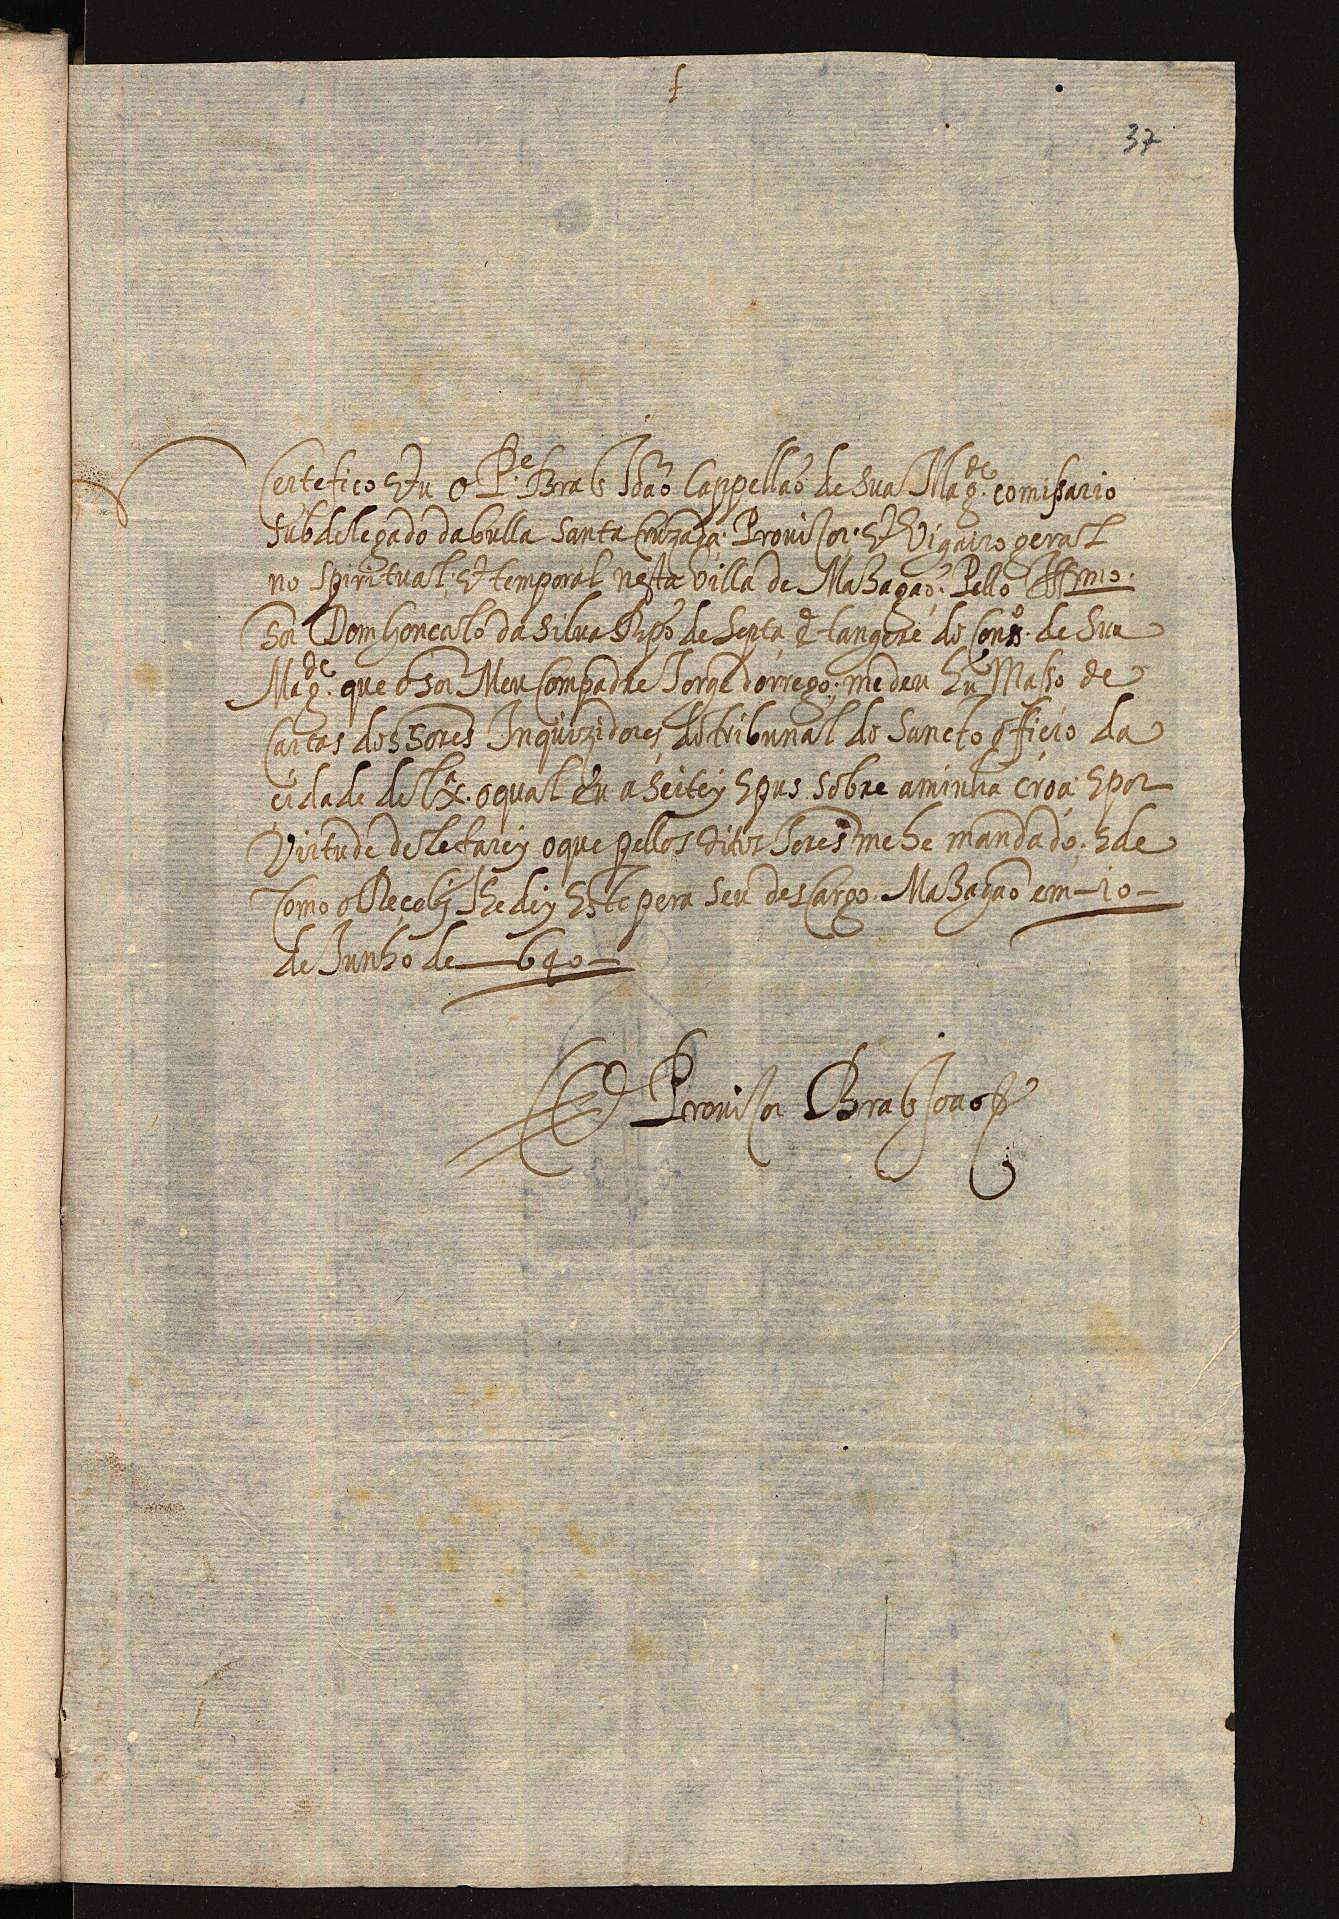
Certefico Eu o P.e Bras Ioão Cappellaõ de Sua Mag.de comissario
subdelegado da bulla Santa Cruzada Prouizor & Vigairo geraL
no spiritual & temporal nesta villa de Mazagaõ Pello Īllmo.
S̄or Dom Gonçalo da Silua Bpō de Septa, e tangere do Cons.o de Sua
Mag.de que o s̄or Meu Compadre Iorge do rrego; me deu hū Masso de
Cartas dos s̄ores Inquizidores do tribunal do Sancto officio da
cidade de lxa. o qual eu aseitey E pus sobre a minha croa E por
Virtude delatarey o que pellos ditos S̄ores me he mandado, E de
Como o Recebj lhe dey Este pera seu desCargo Mazagão em - 10 -
de Iunho de 640 -
O Prouizor Bras Joao
